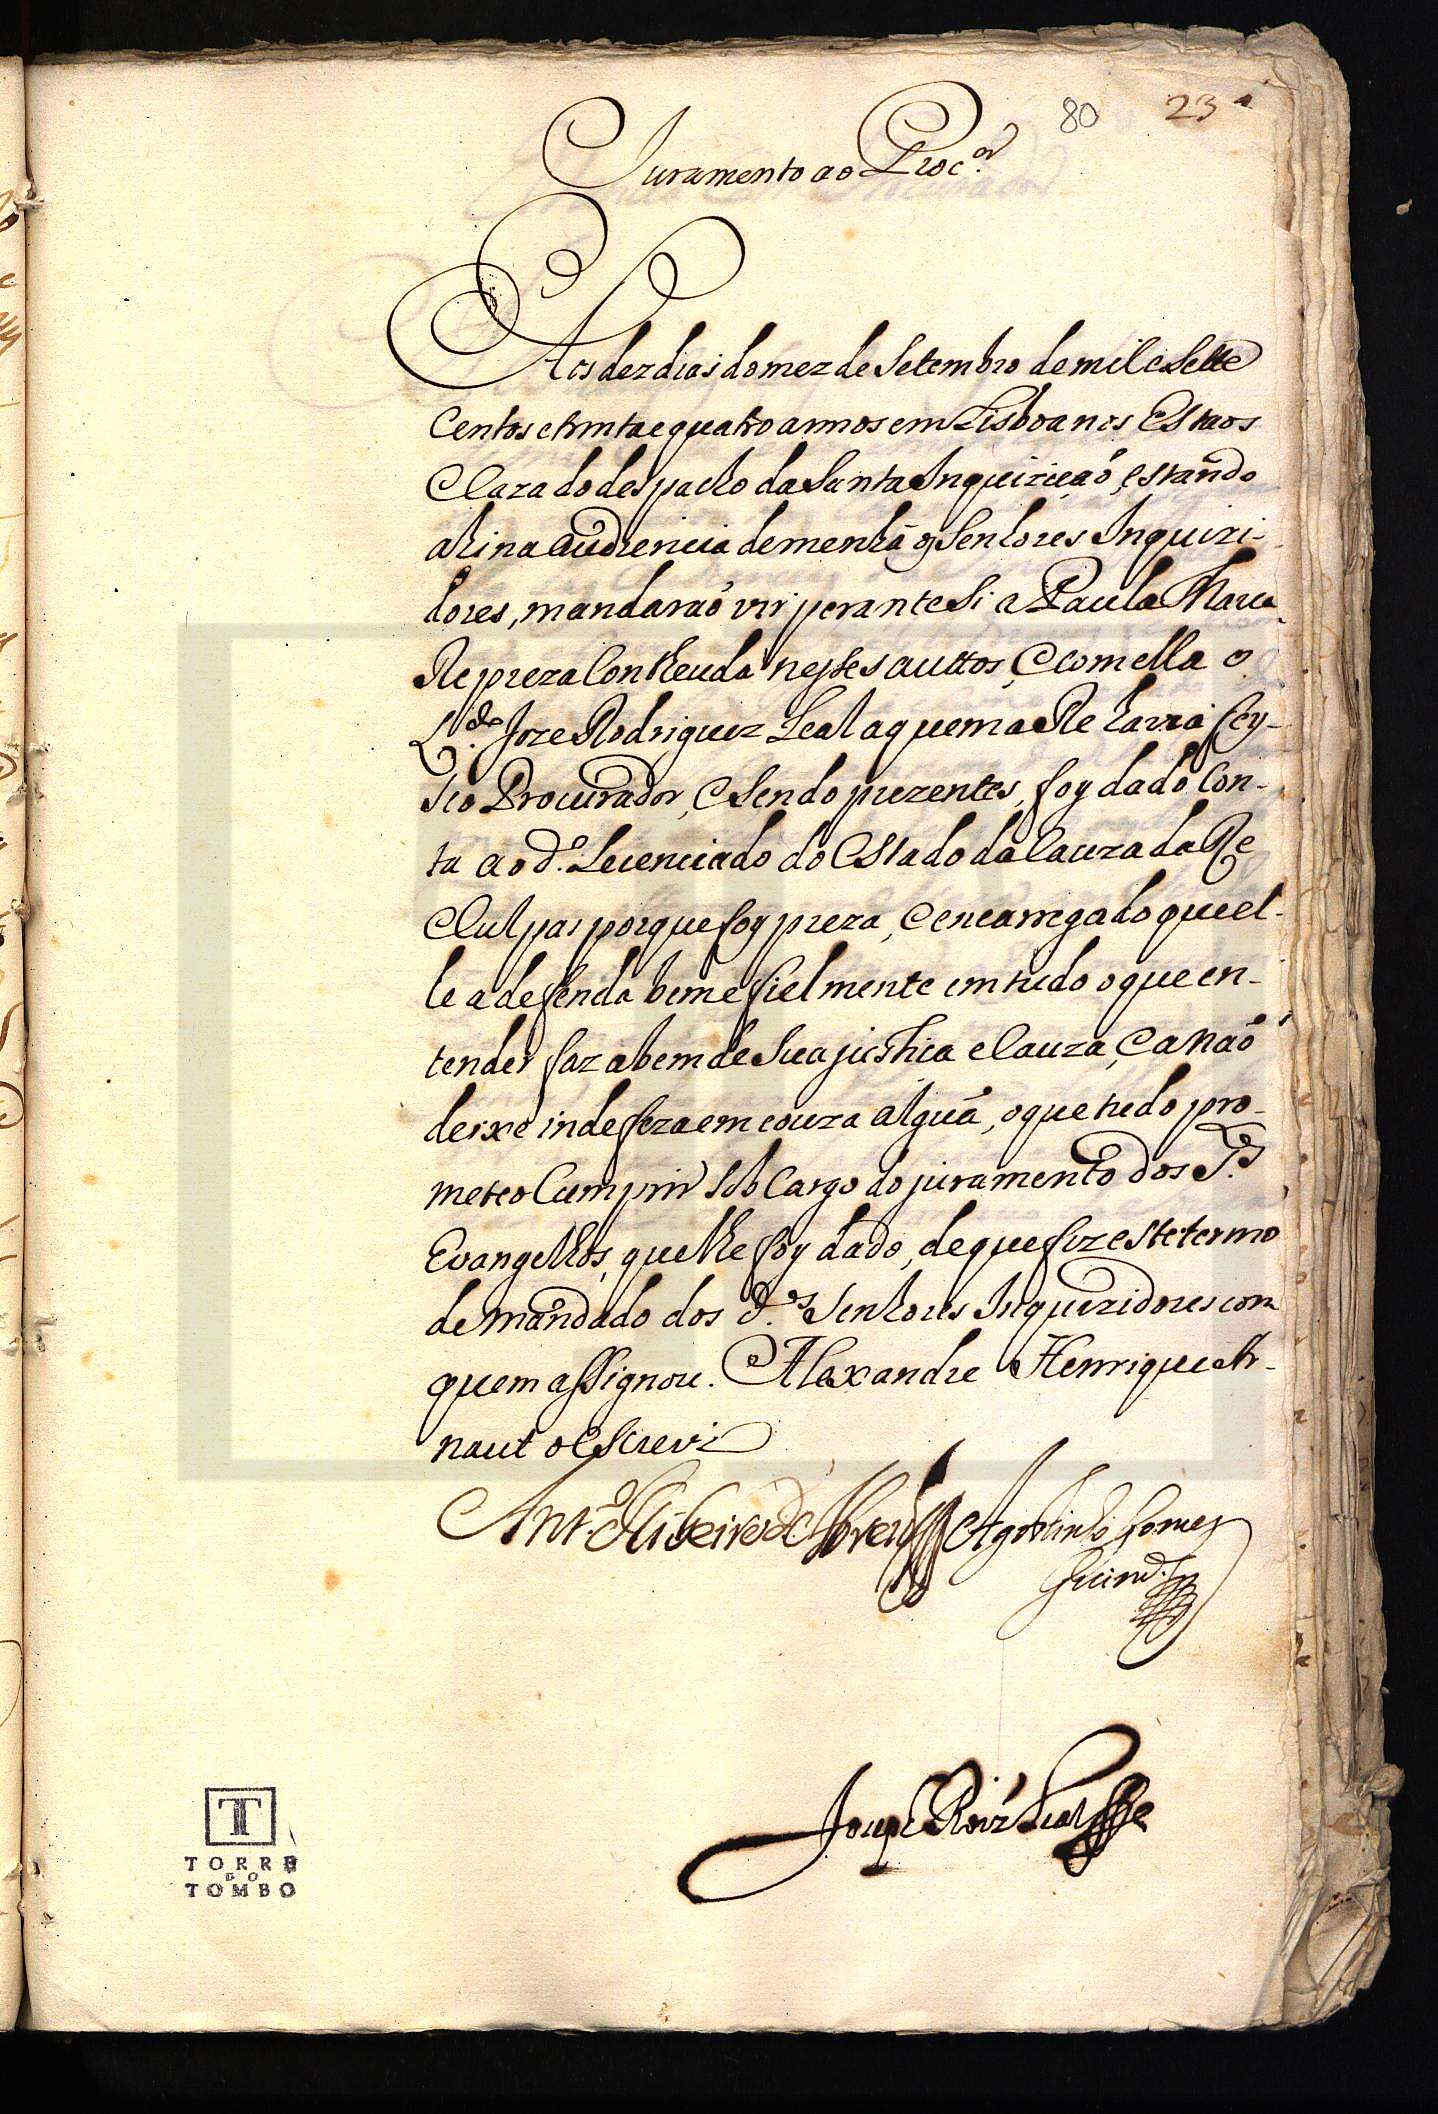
23
Iuramento ao Proc.or
Aos dez dias do mez de Setembro de mil e Sette
Centos e trinta e quatro annos em Lisboa nos Estaos
E Caza do despacho da Santa Inquiziçaõ, estando
ahi na audiencia de menhã os senhores Inquizi
dores, mandaraõ vir perante Si a Paula Maria
Re preza Contheuda nesses auttos, e com ella o
L.do Joze Rodriguez Leal a quem a Re havia fey
seo Procurador, E Sendo prezentes, foy dado con
ta ao d.o Lecenciado do estado da Cauza da Re
E Culpas porque foy preza, e encarregado que el
le a defenda bem e fielmente em tudo o que en
tender faz a bem de sua justiça e Cauza, E a naõ
deixe indefeza em couza alguā, o que tudo pro
meteo Cumprir sob cargo do juramento dos s.tos
Evangelhos, que lhe foy dado, de que fiz este termo
de mandado dos d.os senhores Inquizidores com
quem assignou. Alexandre Henrique Ar
naut o eScrevi
Ant.o FiGeiredo Abreu
Agostinho Gomes
Guim.es
Jozeph Roiz̄ Leal
